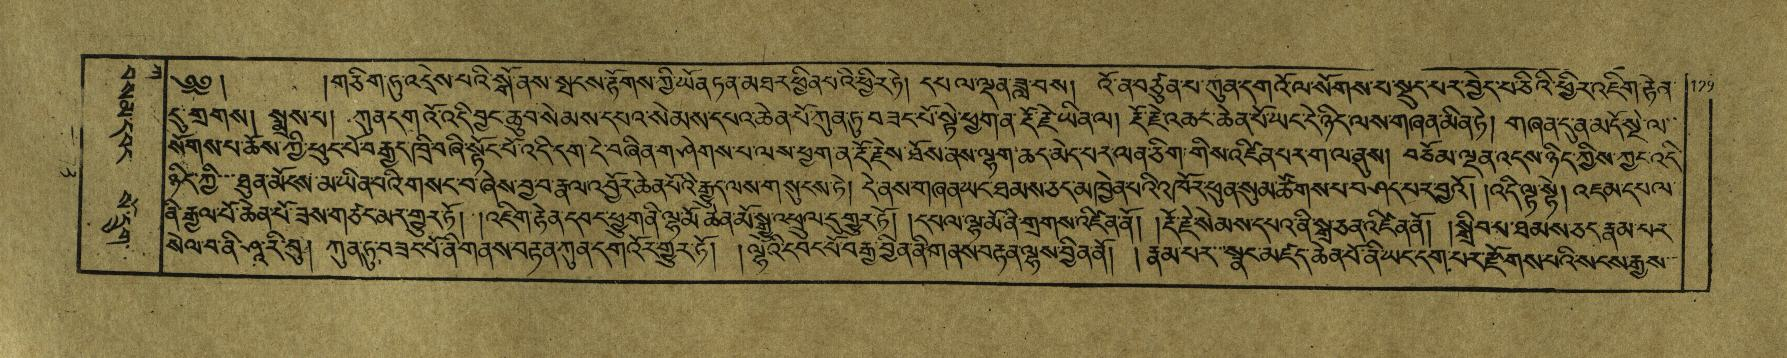༄༅། །གཅིག་ཏུ་འདྲེས་པའི་སྒོ་ནས་སྤངས་རྟོགས་ཀྱི་ཡོན་ཏན་མཐར་ཕྱིན་བའི་ཕྱིར་ཏེ། དཔལ་ལྡན་ཟླ་བས། འོ་ན་བཙུན་པ་ཀུན་དགའོ་ལ་སོགས་པ་སྡུད་པར་བྱེད་པ་ཅིའི་ཕྱིར་འཇིག་རྟེན་
དུ་གྲགས། སྨྲས་པ། ཀུན་དགའོ་འདི་བྱང་ཆུབ་སེམས་དཔའ་སེམས་དཔའ་ཆེན་པོ་ཀུན་ཏུ་བཟང་པོ་སྟེ་ཕྱག་ན་རྡོ་རྗེ་ཡིན་ལ། རྡོ་རྗེ་འཆང་ཆེན་པོ་ཡང་དེ་ཉིད་ལས་གཞན་མིན་ཏེ། གཞན་དུ་ན་མདོ་སྡེ་ལ་
སོགས་པ་ཆོས་ཀྱི་ཕུང་པོ་བརྒྱད་ཁྲི་བཞི་སྟོང་པོ་འདི་དག་དེ་བཞིན་གཤེགས་པ་ལས་ཕྱག་ན་རྡོ་རྗེས་ཐོས་ནས་ལྷག་ཆད་མེད་པར་ལན་ཅིག་གིས་འཛིན་པར་ག་ལ་ནུས། བཅོམ་ལྡན་འདས་ཉིད་ཀྱིས་ཀྱང་འདི་
ཉིད་ཀྱི་ཐུན་མོངས་མ་ཡིན་པའི་གསང་བ་ཞེས་བྱ་བ་རྣལ་འབྱོར་ཆེན་པོའི་རྒྱུད་ལས་གསུངས་ཏེ། དེ་ནས་གཞན་ཡང་ཐམས་ཅད་མཁྱེན་པའི་འཁོར་ཕུན་སུམ་ཚོགས་པ་བཤད་པར་བྱའོ། །འདི་ལྟ་སྟེ། འཇམ་དཔལ་
ནི་རྒྱལ་པོ་ཆེན་པོ་ཟས་གཙང་མར་གྱུར་ཏོ། །འཇིག་རྟེན་དབང་ཕྱུག་ནི་ལྷ་མོ་ཆེན་མོ་སྒྱུ་འཕྲུལ་དུ་གྱུར་ཏོ། །དཔལ་ལྷ་མོ་ནི་གྲགས་འཛིན་ནོ། །རྡོ་རྗེ་སེམས་དཔའ་ནི་སྒྲ་ཅན་འཛིན་ནོ། །སྒྲིབ་པ་ཐམས་ཅད་རྣམ་པར་
སེལ་བ་ནི་ཤཱ་རི་བུ། ཀུན་ཏུ་བཟང་པོ་ནི་གནས་བརྟན་ཀུན་དགའར་གྱུར་ཏོ། །ལྷའི་དབང་པོ་བརྒྱ་བྱིན་ནི་གནས་བརྟན་ལྷས་བྱིན་ནོ། །རྣམ་པར་སྣང་མཛད་ཆེན་པོ་ནི་ཡང་དག་པར་རྫོགས་པའི་སངས་རྒྱས་